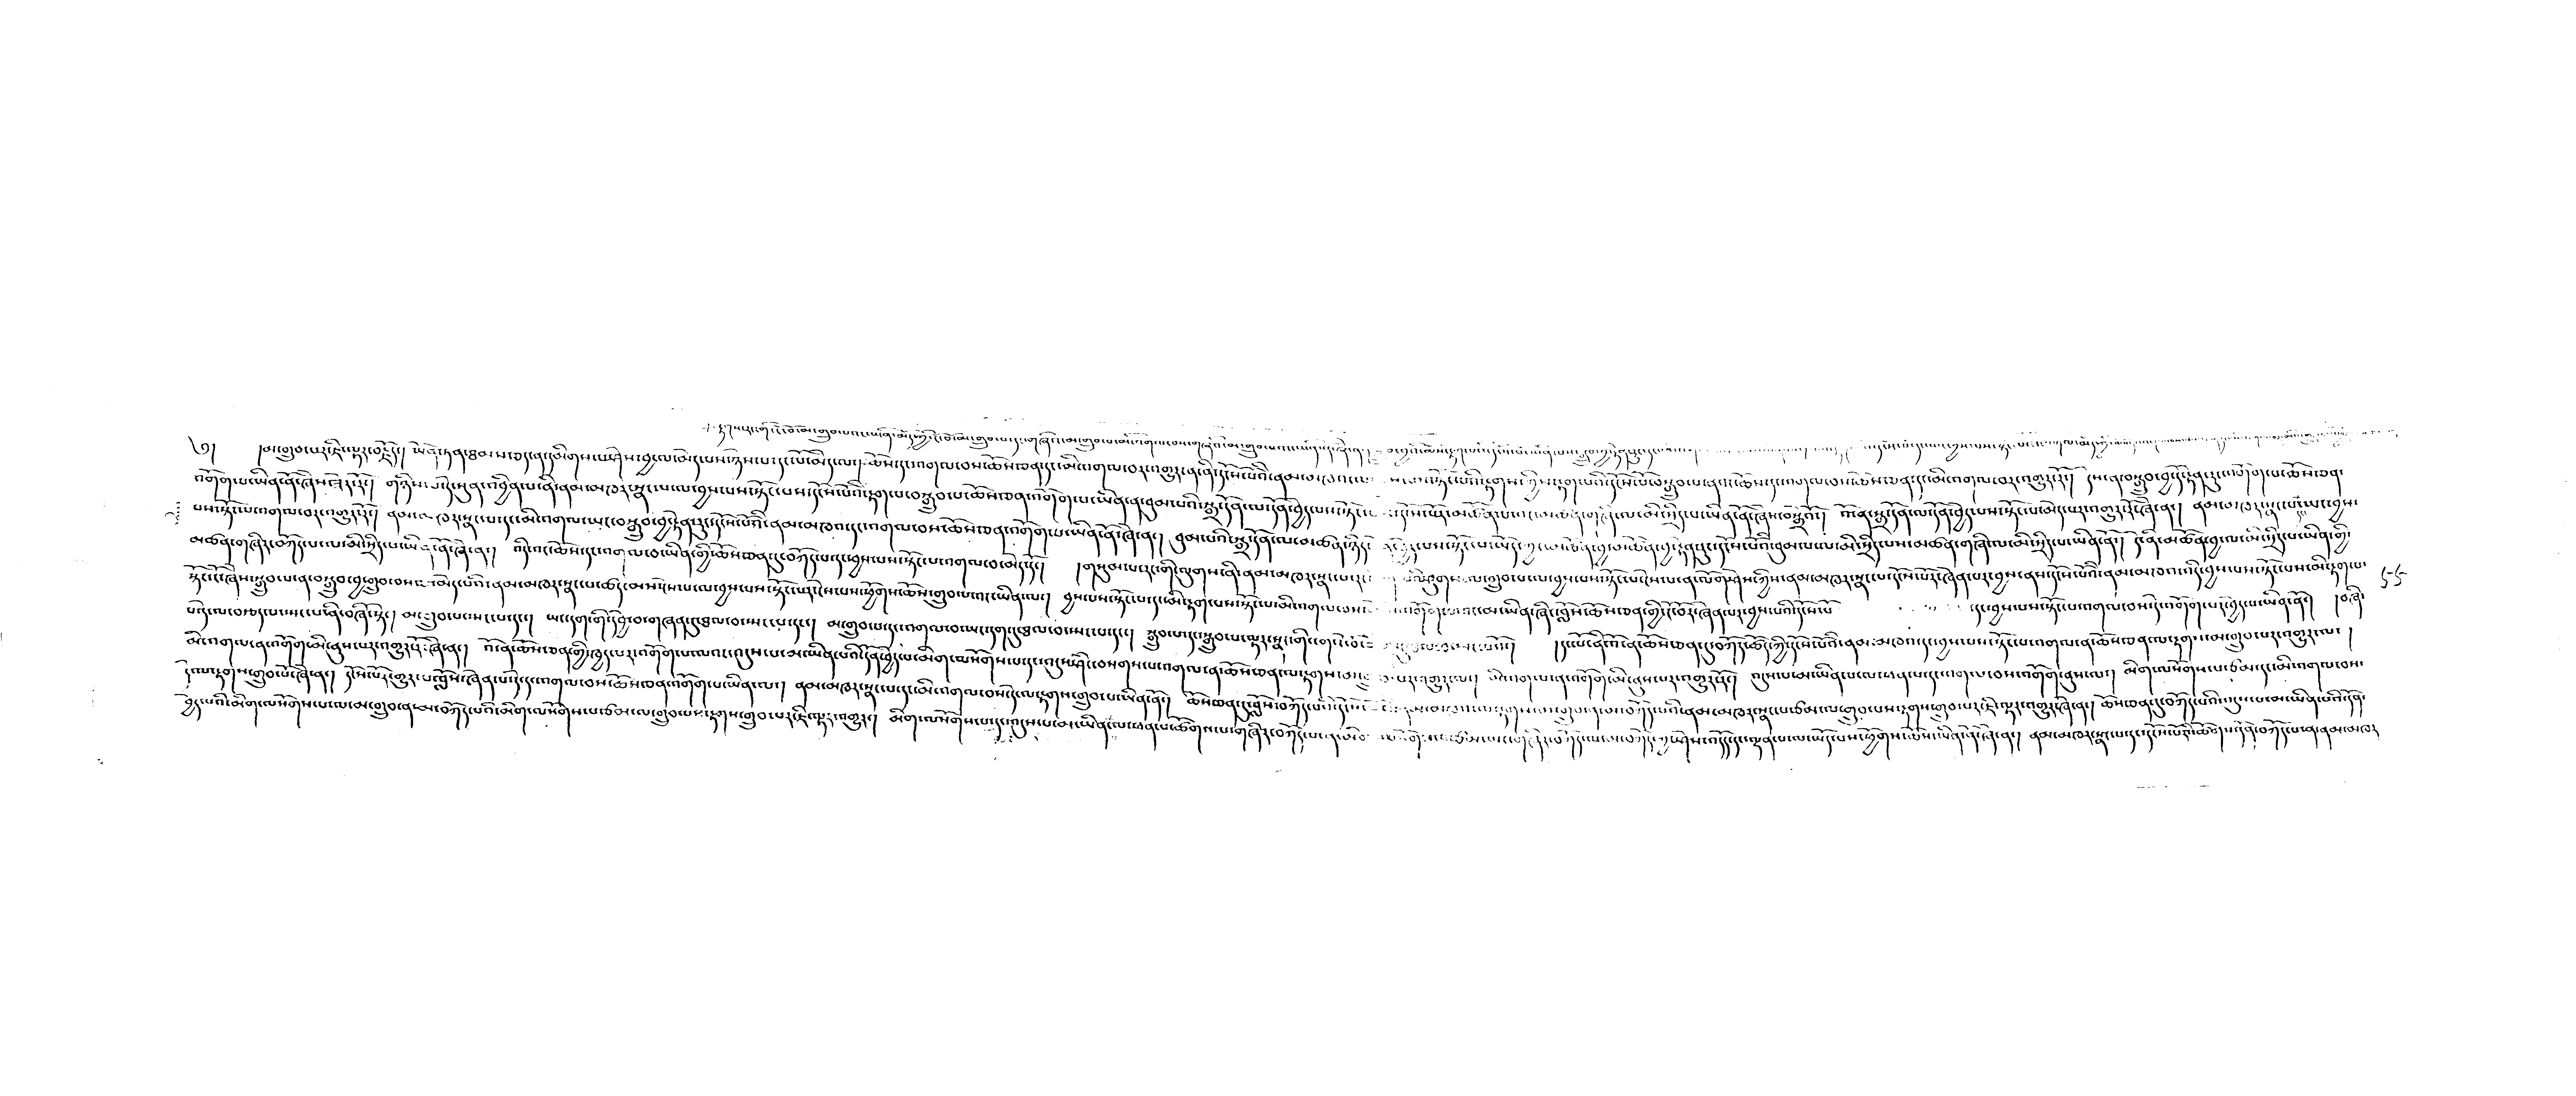༈། །མ་གྲུབ་པར་ཇི་ལྟར་བརྗོད། ཡོན་ཏན་ཐམས་ཅད་ན་དམིགས་པ་ཤེས་བྱ་ལ་མེད་པས་ཉེས་པ་དང་པོ་མེད་ལ། ཆོས་དང་འགལ་བས་ཆོས་ཅན་དང་མི་འགལ་བར་འགྱུར་ན་ནི་དངོས་པོའི་ནམ་མཁའ་ལ་?་སྟོང་པའི་རྟགས་ཀྱིས་རྟག་པའི་དངོས་པོ་བསྒྲུབ་པ་ནའང་ཆོས་དང་འགལ་བས་ཆོས་ཅན་དང་མི་འགལ་བར་འགྱུར་རོ། དེས་ན་བསྒྲུབ་བྱ་དེ་རྟེན་རུང་འགོག་པ་ཆོས་ཅན་
འགོག་པ་ཡིན་ནོ་ཞེས་ཟེར་རོ། གཉིས་པ་དེ་སུན་འབྱིན་པ་ནི་ནམ་མཁར་སྣང་པ་ལ་བྱས་པས་སྟོང་པས་དངོས་པོའི་རྟག་པ་བསྒྲུབ་པ་ཆོས་ཅན་འགོག་པ་ཡིན་ན་བུམ་པའི་སྒྲ་དོན་ལ་དོན་བྱེད་པས་སྟོང་པ་དངོས་པོར་མཚོན་པའང་མཚན་གཞི་ལ་མི་སྲིད་པ་ཡིན་ནོ་ཞེས་བསྒྲེའོ། འོ་ན་སྒྲ་དོན་ལ་དོན་བྱེད་པས་སྟོང་པ་མེད་པར་འགྱུར་རོ་ཞེ་ན། ནམ་མཁར་སྣང་པ་དང་ཡང་བྱས་
པས་སྟོང་པ་འགལ་བར་འགྱུར་རོ། ནམ་མཁར་སྣང་པ་དང་མི་འགལ་ཡང་བསྒྲུབ་བྱ་རྟེན་རུང་དངོས་པོའི་ནམ་མཁའ་དང་འགལ་བས་ཆོས་ཅན་འགོག་པ་ཡིན་ནོ་ཞེ་ན། བུམ་པའི་སྒྲ་དོན་ལ་མཚན་ཉིད་དོན་བྱེད་པས་སྟོང་པ་ཡོད་ཀྱང་མཚོན་བྱ་མཚོན་བྱ་རྟེན་རུང་དངོས་པོའི་བུམ་པ་ལ་མི་སྲིད་པས་མཚན་གཞི་ལ་མི་སྲིད་པ་ཡིན་ནོ། དེ་ནི་མཚོན་བྱ་ལ་མི་སྲིད་པ་ཡིན་གྱི་
མཚན་གཞིར་བཀོད་པ་ལ་མི་སྲིད་པ་ཡིན་ནོ་ཞེ་ན། འདི་འང་ཆོས་དང་འགལ་བ་ཡིན་གྱི་ཆོས་ཅན་དུ་བཀོད་པ་དང་བྱས་པས་སྟོང་པ་འགལ་བ་མེད་དོ། །གསུམ་པ་རང་གི་ལུགས་ནི་ནམ་མཁར་སྣང་པ་རང་?་པའི་ཤུགས་ལ་གྲུབ་པ་ལ་བྱས་པས་སྟོང་པ་ངེས་པ་ན་ལོག་ཤེས་ཀྱིས་ནམ་མཁར་སྣང་པ་དངོས་པོར་ཞེན་པར་བྱས་ནས་དངོས་པོའི་ནམ་མཁའ་འདི་བྱས་པས་སྟོང་པས་མི་རྟག་པ་
སྟོང་ངོ་ཞེས་སྒྲུབ་པ་ན་བསྒྲུབ་བྱ་གྲུབ་བསལ་མེད་པའི་ནམ་མཁར་སྣང་པ་ཚད་མས་ངེས་པ་ལ་བྱས་པས་སྟོང་པར་ངེས་པས་ཕྱོགས་ཆོས་གྲུབ་པ་འང་ཡིན་ལ། བྱས་པས་སྟོང་པ་དང་མི་རྟག་པས་སྟོང་པ་མི་འགལ་བས?་འགོག་པའང་མ་ཡིན་ཞིང་བློས་ཆོས་ཅན་གྱི་ངོ་བོར་ཞེན་པར་བྱས་པའི་དངོས་པོ་དང་བྱས་པས་སྟོང་པ་འགལ་བས་དེ་འགོག་པར་བྱེད་པ་ཡིན་ནོ། །བཞི་
པ་དེ་ལ་བརྩད་པ་སྤང་པ་ནི་བཞི་སྟེ། མ་གྲུབ་པ་སྤང་པ་དང་། ཡང་དག་གི་དབྱེ་བ་གཞན་དུ་ཐལ་བ་སྤང་པ་དང་། མ་གྲུབ་པ་དང་འགལ་བ་ཡང་དག་དུ་ཐལ་བ་སྤང་པ་དང་། སྒྲུབ་པ་དང་སྒྲུབ་པ་ལྟར་སྣང་གི་ངག་ངོ་བོ?་དུ་ཐལ་བ་སྤང་པའོ། །དང་པོ་ནི་འོ་ན་ཆོས་ཅན་དུ་བཀོད་ཚོད་ཀྱི་དངོས་པོའི་ནམ་མཁའ་དང་བྱས་པས་སྟོང་པ་འགལ་ན་ཆོས་ཅན་ལ་རྟགས་མ་གྲུབ་པར་འགྱུར་ལ།
མེ་འགལ་ན་འགོག་མི་ནུས་པར་འགྱུར་རོ་ཞེ་ན། འོ་ན་ཆོས་ཅན་གྱི་ཁྱད་པར་འགོག་པ་ལའང་འདུས་པ་མ་ཡིན་པའི་དོན་བྱེད་པ་མིག་ལ་སོགས་པ་དང་འདུས་ཤིང་བསགས་པ་འགལ་ན་ཆོས་ཅན་ལ་རྟགས་མ་གྲུབ་པར་འགྱུར་ལ། མི་འགལ་པ་ན་འགོག་མི་ནུས་པར་འགྱུར་རོ། འདུས་པ་མ་ཡིན་པ་ལ་ཕན་པ་དང་འགལ་བས་འགོག་ནུས་ལ། མིག་ལ་སོགས་པ་ཙམ་དང་མི་འགལ་བས་
དེ་ལ་རྟགས་གྲུབ་པོ་ཞེ་ན། དངོས་པོར་གྱུར་པ་བློས་ཞེན་པ་དེ་དང་འགལ་བས་ཆོས་ཅན་འགོག་པ་ཡིན་ལ། ནམ་མཁར་སྣང་པ་དང་མི་འགལ་བས་དེ་ལ་རྟགས་གྲུབ་པ་ཡིན་ནོ། ཆོས་ཅན་དུ་བློས་བཀོད་པའི་དངོས་པོ་ནམ་མཁའ་མ་རྟགས་མ་གྲུབ་ན་མ་བཀོད་པའི་ནམ་མཁར་སྣང་པ་ཙམ་ལ་གྲུབ་པས་རྟགས་གྲུབ་པར་ཇི་ལྟར་འགྱུར་ཞེ་ན། ཆོས་ཅན་དུ་བཀོད་པའི་འདུས་པ་མ་ཡིན་པའི་དོན་
བྱེད་པའི་མིག་ལ་སོགས་པ་ལ་མ་གྲུབ་ན་མ་བཀོད་པའི་མིག་ལ་སོགས་པ་ཙམ་ལ་གྲུབ་པས་རྟགས་གྲུབ་པར་ཇི་ལྟར་འགྱུར། མིག་ལ་སོགས་པ་དང་འདུས་པ་མ་ཡིན་ལ་ཕན་པ་ཚོགས་པ་གཞིར་བཀོད་པ?་?་ཕྱོགས་ཆོས་པའི་?་ཞེ་ན། ནམ་མཁར་?་དང་དངོས་པོའི་ཚོགས་དོན་བཀོད་པ་ན་ནམ་མཁར་